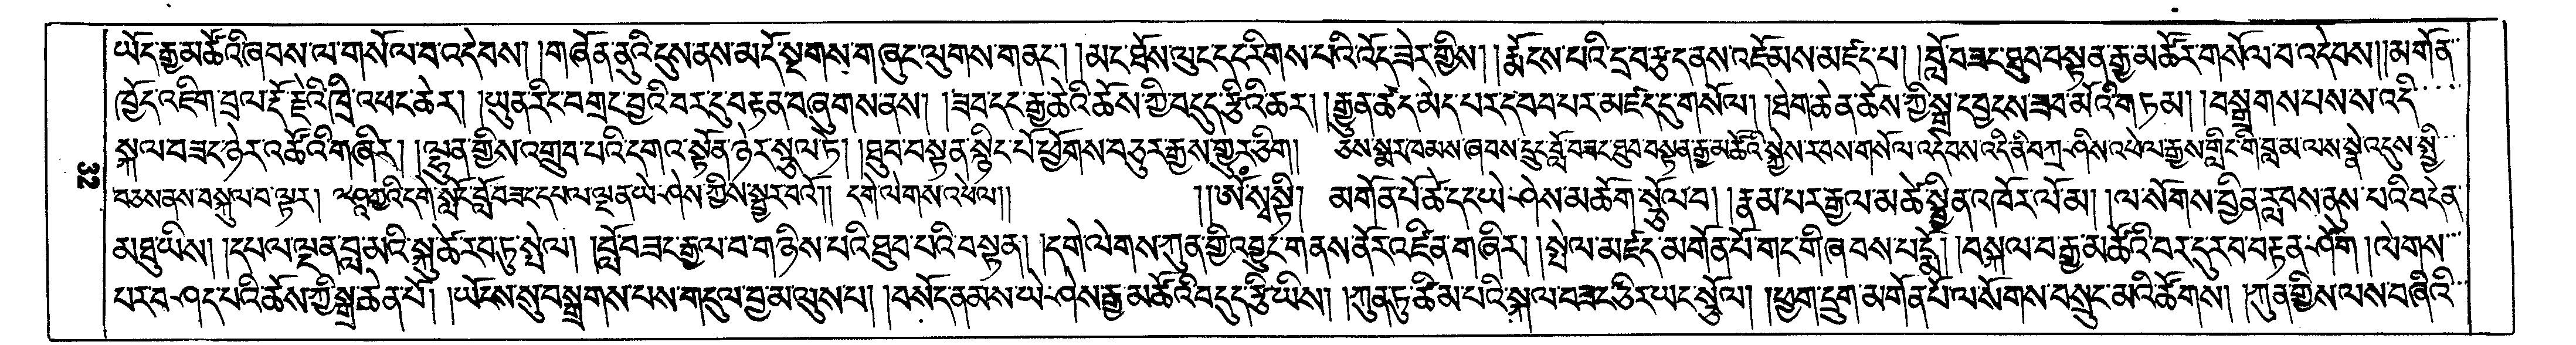ཡོད་རྒྱ་མཚོའི་ཞབས་ལ་གསོལ་བ་འདེབས། །གཞོན་ནུའི་དུས་ནས་མདོ་སྔགས་གཞུང་ལུགས་གནད། །མང་ཐོས་ལུང་དང་རིགས་པའི་འོད་ཟེར་གྱིས། །རྨོངས་པའི་དྲ་བ་རྩད་ནས་འཇོམས་མཛད་པ། །བློ་བཟང་ཐུབ་བསྟན་རྒྱ་མཚོར་གསོལ་བ་འདེབས། །མགོན་
ཁྱོད་འཇིག་བྲལ་རྡོ་རྗེའི་ཁྲི་འཕང་ཆེར། །ཡུན་རིང་བགྲང་བྱའི་བར་དུ་བརྟན་བཞུགས་ནས། །ཟབ་དང་རྒྱ་ཆེའི་ཆོས་ཀྱི་བདུད་རྩིའི་ཆར། །རྒྱུན་ཆད་མེད་པར་དབབ་པར་མཛད་དུ་གསོལ། །ཐེག་ཆེན་ཆོས་ཀྱི་སྒྲ་དབྱེངས་ཟབ་མོའི་གཏམ། །བསྒྲགས་པས་ས་འདི་
སྐལ་བཟང་ཉེར་འཚོའི་གཞིར། །ལྷུན་གྱིས་འགྲུབ་པའི་དགའ་སྟོན་ཉེར་སྩལ་ཏེ། །ཐུབ་བསྟན་སྙིང་པོ་ཕྱོགས་བཅུར་རྒྱས་གྱུར་ཅིག །ཅེས་སྨར་ཁམས་ཞབས་དྲུང་བློ་བཟང་ཐུབ་བསྟན་རྒྱ་མཚོའི་སྐྱེས་རབས་གསོལ་འདེབས་འདི་ནི་བཀྲ་ཤིས་འཕེལ་རྒྱས་གླིང་གི་བླ་མ་ལས་སྣེ་འདུས་སྤྱི་
བཅས་ནས་བསྐུལ་བ་ལྟར། ༧ཤཱཀྱའི་དགེ་སློང་བློ་བཟང་དཔལ་ལྡན་ཡེ་ཤེས་ཀྱིས་སྦྱར་བའོ། །དགེ་ལེགས་འཕེལ།། ༈ །།ཨོཾ་སྭསྟི། མགོན་པོ་ཚེ་དང་ཡེ་ཤེས་མཆོག་སྩོལ་བ། །རྣམ་པར་རྒྱལ་མཚེ་སྦྱིན་འཁོར་ལོ་མ། །ལ་སོགས་བྱིན་རླབས་ནུས་པའི་བདེན་
མཐུ་ཡིས། །དཔལ་ལྡན་བླ་མའི་སྐུ་ཚེ་རབ་ཏུ་སྤེལ། །བློ་བཟང་རྒྱལ་བ་གཉིས་པའི་ཐུབ་པའི་བསྟན། །དགེ་ལེགས་ཀུན་གྱི་འབྱུང་གནས་ནོར་འཛིན་གཞིར། །སྤེལ་མཛད་མགོན་པོ་གང་གི་ཞབས་པདམོ། །བསྐལ་པ་རྒྱ་མཚོའི་བར་དུ་རབ་བརྟན་ཤོག །ལེགས་
པར་བཤད་པའི་ཆོས་ཀྱི་སྒྲ་ཆེན་པོ། །ཡོངས་སུ་བསྒྲགས་པས་གདུལ་བྱ་མ་ལུས་པ། །བསོད་ནམས་ཡེ་ཤེས་རྒྱ་མཚོའི་བདུད་རྩི་ཡིས། །ཀུན་ཏུ་ཚིམ་པའི་སྐལ་བཟང་ཅིར་ཡང་སྩོལ། །ཕྱག་དྲུག་མགོན་པོ་ལ་སོགས་བསྲུང་མའི་ཚོགས། །ཀུན་གྱིས་ལས་བཞིའི་